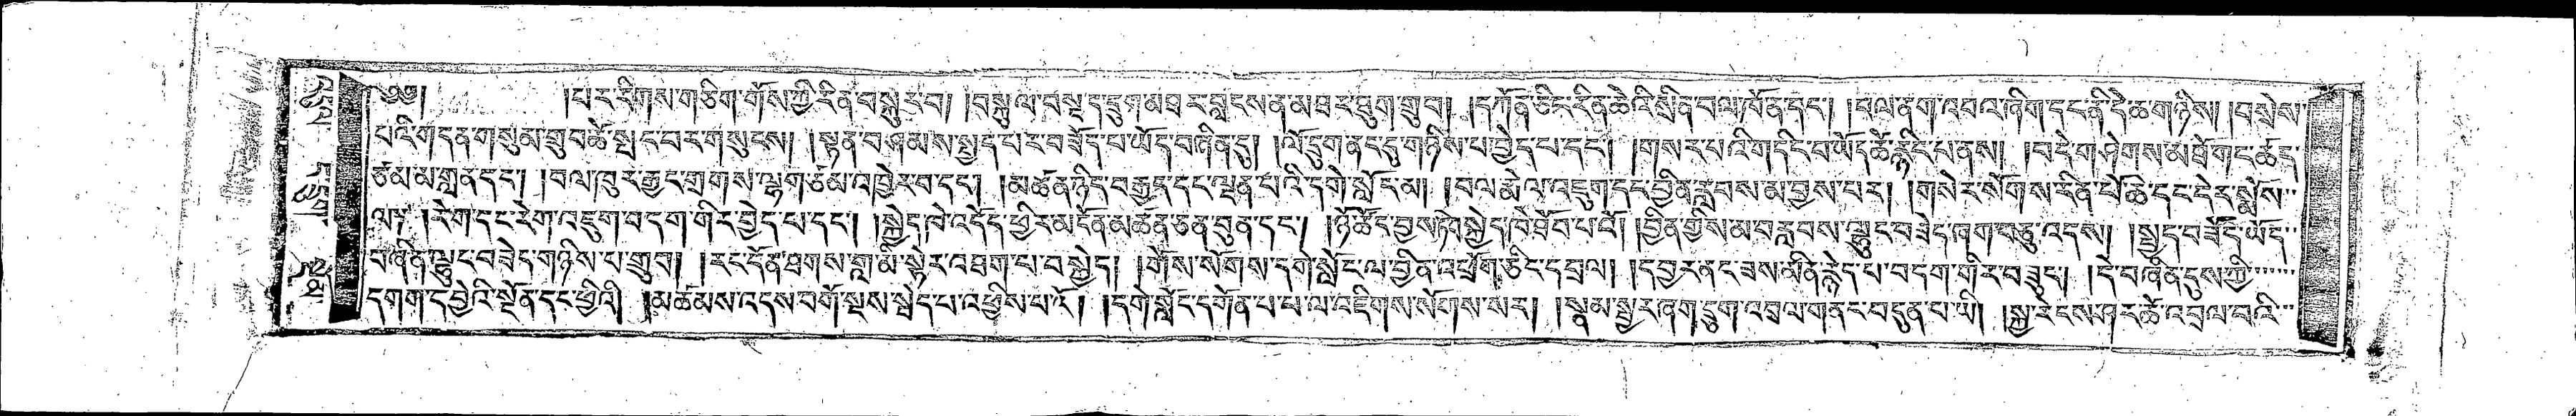༄༅། །པར་རིགས་གཅིག་གོས་ཀྱི་རིན་བསྐུར་བ། །བསྐུལ་བསྔད་དྲུག་མཐར་བླངས་ན་མཐར་ཐུག་གྲུབ། །དཀོན་ཅིང་རིན་ཆེའི་སྲིན་བལ་ཁོ་ན་དང་། །བལ་ནག་འབའ་ཞིག་དང་ནི་དེ་ཆ་གཉིས། །བསྲེས་
པའི་གདན་གསུམ་གྲུབ་ཚེ་སྤང་བར་གསུངས། །སྟན་བཤམས་སྤྱད་པར་བཟོད་པ་ཡོད་བཞིན་དུ། །ལོ་དྲུག་ནང་དུ་གཉིས་པ་བྱེད་པ་དང་། །གསར་པའི་གདིང་བ་ཡོད་ཚེ་རྙིང་པ་ནས། །བདེ་གཤེགས་མཐོ་གང་ཚད་
ཙམ་མ་གླན་དང་། །བལ་ཁུར་རྒྱང་གྲགས་ལྷག་ཙམ་འཁྱེར་བ་དང་། །མཚན་ཉིད་བརྒྱད་དང་ལྡན་པའི་དགེ་སློང་མ། །བལ་རྨེལ་འཇུག་དང་བྱིན་རླབས་མ་བྱས་པར། །གསེར་སོགས་རིན་པོ་ཆེ་དང་དེར་སྨོས་
ལ༑ །རེག་དང་རེག་འཇུག་བདག་གིར་བྱེད་པ་དང་། །སྐྱེད་ཁེ་འདོད་ཕྱིར་མངོན་མཚན་ཅན་བུན་དང་། །ཉོ་ཚོང་བྱས་ཏེ་བསྐྱེད་ཁེ་ཐོབ་པ་འོ། །བྱིན་གྱིས་མ་བརླབས་ལྷུང་བཟེད་ཞག་བཅུ་འདས། །སྤྱད་བཟོད་ཡོད་
བཞིན་ལྷུང་བཟེད་གཉིས་པ་གྲུབ། །རང་དོན་ཐགས་གླ་མི་སྟེར་འཐག་པ་བསྐྱེད། །གོས་སོགས་དགེ་སློང་ལ་བྱིན་འཕྲོག་ཅིང་དབྲལ། །དབྱར་ནང་ཟས་མིན་རྙེད་པ་བདག་གིར་བཟུང་། །དེ་བཞིན་དུས་ཀྱི་
དགག་དབྱེའི་སྔོན་དང་ཕྱིའི། །མཚམས་འདས་བགོ་སྔས་སྦེད་པ་འཕྱིས་པའོ། །དགེ་སློང་དགོན་པ་པ་ལ་འཇིགས་སོགས་སར། །སྣམ་སྦྱར་ཞག་དྲུག་འབྲལ་གནང་བདུན་པ་ཡི། །སྐྱ་རེངས་ཤར་ཚེ་འབྲལ་བའི་